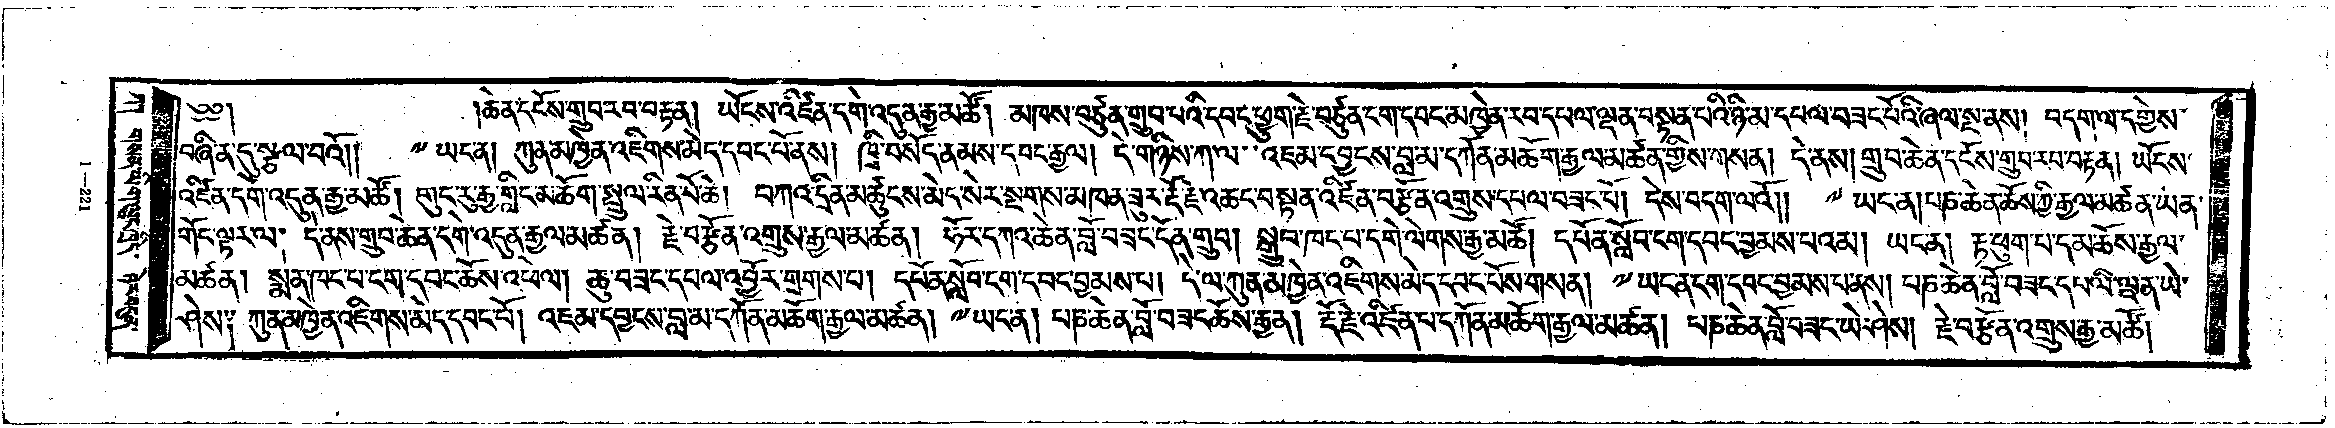༄༅། །ཆེན་དངོས་གྲུབ་རབ་བརྟན། ཡོངས་འཛིན་དགེ་འདུན་རྒྱ་མཚོ། མཁས་བཙུན་གྲུབ་པའི་དབང་ཕྱུག་རྗེ་བཙུན་ངག་དབང་མཁྱེན་རབ་དཔལ་ལྡན་བསྟན་པའི་ཉི་མ་དཔལ་བཟང་པོའི་ཞལ་སྔ་ནས། བདག་ལ་དགྱེས་
བཞིན་དུ་སྩལ་བའོ།། ༧ཡང་ན། ཀུན་མཁྱེན་འཇིགས་མེད་དབང་པོ་ནས། ཁྲི་བསོད་ནམས་དབང་རྒྱལ། དེ་གཉིས་ཀ་ལ་འཇམ་དབྱངས་བླ་མ་དཀོན་མཆོག་རྒྱལ་མཚན་གྱིས་གསན། དེ་ནས། གྲུབ་ཆེན་དངོས་གྲུབ་རབ་བརྟན། ཡོངས་
འཛིན་དགེ་འདུན་རྒྱ་མཚོ། གུང་རུ་རྒྱ་གླིང་མཆོག་སྤྲུལ་རིན་པོ་ཆེ། བཀའ་དྲིན་མཚུངས་མེད་སེར་སྔགས་མཁན་ཟུར་རྡོ་རྗེ་འཆང་བསྟན་འཛིན་བརྩོན་འགྲུས་དཔལ་བཟང་པོ། དེས་བདག་ལའོ།། ༧ཡང་ན། པཎ་ཆེན་ཆོས་ཀྱི་རྒྱལ་མཚན་ཡན་
གོང་ལྟར་ལ། དེ་ནས་གྲུབ་ཆེན་དགེ་འདུན་རྒྱལ་མཚན། རྗེ་བརྩོན་འགྲུས་རྒྱལ་མཚན། ཧོར་དཀའ་ཆེན་བློ་བཟང་དོན་གྲུབ། སྒྲུབ་ཁང་པ་དགེ་ལེགས་རྒྱ་མཚོ། དཔོན་སློབ་ངག་དབང་བྱམས་པའམ། ཡང་ན། རྟ་ཕུག་པ་དམ་ཆོས་རྒྱལ་
མཚན། སྨན་ཁང་པ་ངག་དབང་ཆོས་འཕེལ། ཆུ་བཟང་དཔལ་འབྱོར་གྲགས་པ། དཔོན་སློབ་ངག་དབང་བྱམས་པ། དེ་ལ་ཀུན་མཁྱེན་འཇིགས་མེད་དབང་པོས་གསན། ༧ཡང་ན་ངག་དབང་བྱམས་པ་ནས། པཎ་ཆེན་བློ་བཟང་དཔལི་ལྡན་ཡེ་
ཤེས༑ ཀུན་མཁྱེན་འཇིགས་མེད་དབང་པོ། འཇམ་དབྱངས་བླ་མ་དཀོན་མཆོག་རྒྱལ་མཚན། ༧ཡང་ན། པཎ་ཆེན་བློ་བཟང་ཆོས་རྒྱན། རྡོ་རྗེ་འཛིན་པ་དཀོན་མཆོག་རྒྱལ་མཚན། པཎ་ཆེན་བློ་བཟང་ཡེ་ཤེས། རྗེ་བརྩོན་འགྲུས་རྒྱ་མཚོ།